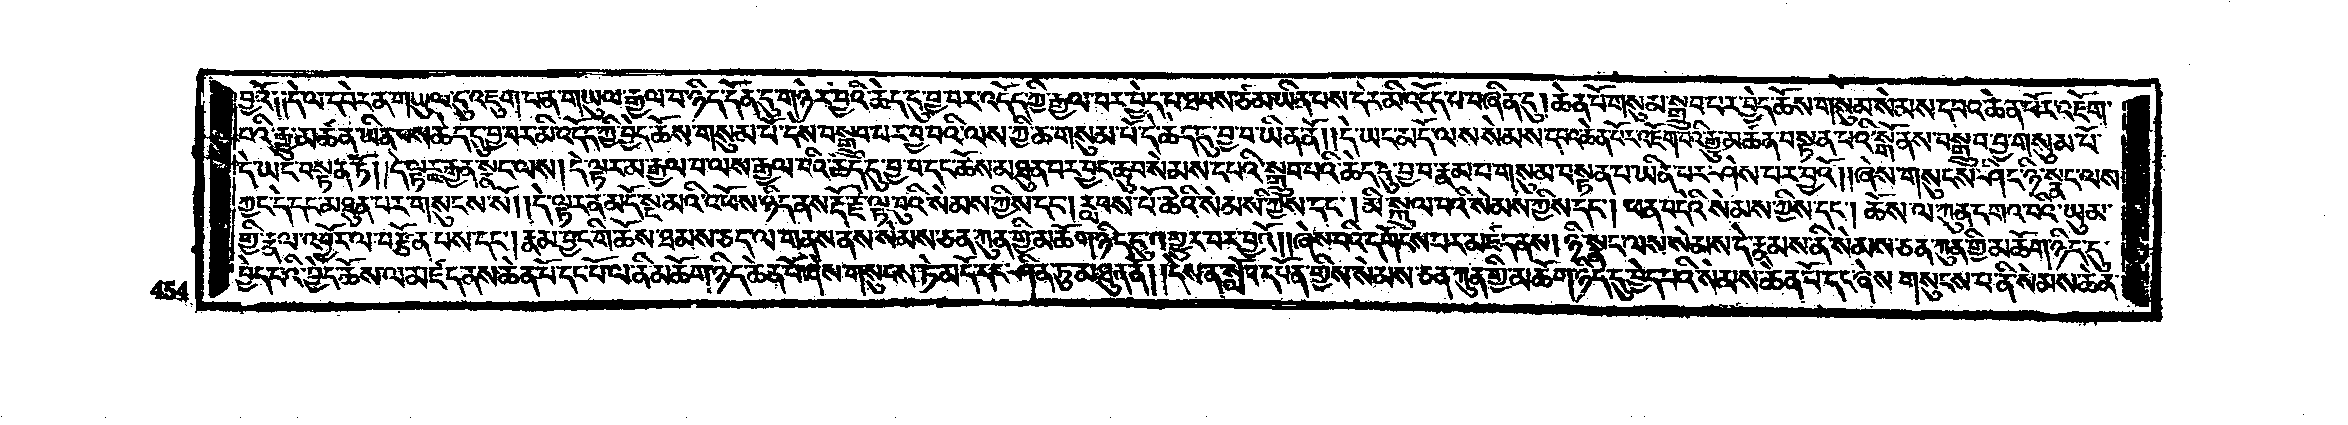བྱའོ། །དེ་ལ་དཔེར་ན་གཡུལ་དུ་འཇུག་པ་ན་གཡུལ་རྒྱལ་བ་ཉིད་དོན་དུ་གཉེར་བྱའི་ཆེད་དུ་བྱ་བར་འདོད་ཀྱི་རྒྱལ་བར་བྱེད་པ་ཐབས་ཙམ་ཡིན་པས་དེར་མི་འདོད་པ་བཞིན་དུ། ཆེན་པོ་གསུམ་སྒྲུབ་པར་བྱེད་ཆོས་གསུམ་སེམས་དཔའ་ཆེན་པོར་འཇོག་
པའི་རྒྱུ་མཚན་ཡིན་པས་ཆེད་དུ་བྱ་བར་མི་འདོད་ཀྱི་བྱེད་ཆོས་གསུམ་པོ་དེས་བསྒྲུབ་པར་བྱ་བའི་ལས་ཀྱི་ཆ་གསུམ་པོ་དེ་ཆེད་དུ་བྱ་བ་ཡིན་ནོ། །དེ་ཡང་མདོ་ལས་སེམས་དཔའ་ཆེན་པོར་འཇོག་པའི་རྒྱུ་མཚན་བསྟན་པའི་སྒོ་ནས་བསྒྲུབ་བྱ་གསུམ་པོ་
དེ་ཡང་བསྟན་ཏོ། །དེ་ལྟར་ཡང་རྒྱན་སྣང་ལས། དེ་ལྟར་མ་རྒྱལ་བ་ལས་རྒྱལ་བའི་ཆེད་དུ་བྱ་བ་དང་ཆོས་མཐུན་པར་བྱང་ཆུབ་སེམས་དཔའི་སྒྲུབ་པའི་ཆེད་དུ་བྱ་བ་རྣམ་པ་གསུམ་བསྟན་པ་ཡིན་པར་ཤེས་པར་བྱའོ། །ཞེས་གསུངས་ཤིང་ཉི་སྣང་ལས་
ཀྱང་དེ་དང་མཐུན་པར་གསུངས་སོ། །དེ་ལྟར་ན་མདོ་སྔ་མའི་འཕོས་ཉིད་ནས་རྡོ་རྗེ་ལྟ་བུའི་སེམས་ཀྱིས་དང་། རླབས་པོ་ཆེའི་སེམས་ཀྱིས་དང་། མི་སྐུལ་བའི་སེམས་ཀྱིས་དང་། ཕན་བདེའི་སེམས་ཀྱིས་དང་། ཆོས་ལ་ཀུན་དགའ་བའི་ཡུམ་
གྱི་རྣལ་འབྱོར་ལ་བརྩོན་པས་དང་། རྣམ་བྱང་གི་ཆོས་ཐམས་ཅད་ལ་གནས་ནས་སེམས་ཅན་ཀུན་གྱི་མཆོག་ཉིད་དུ་འགྱུར་བར་བྱའོ། །ཞེས་པའི་དགོངས་པར་མཛད་ནས། ཉི་སྣང་ལས་སེམས་དེ་རྣམས་ནི་སེམས་ཅན་ཀུན་གྱི་མཆོག་ཉིད་དུ་
བྱེད་པའི་བྱེད་ཆོས་ལ་མཛད་ནས་ཆེན་པོ་དང་པོ་ལ་ནི་མཆོག་ཉིད་ཆེན་པོ་ཞེས་གསུངས་ཏེ་མདོ་དང་ཤིན་ཏུ་མཐུན་ནོ། །དེས་ན་སློབ་དཔོན་གྱིས་སེམས་ཅན་ཀུན་གྱི་མཆོག་ཉིད་དུ་བྱེད་པའི་སེམས་ཆེན་པོ་དང་ཞེས་གསུངས་པ་ནི་སེམས་ཆེན་